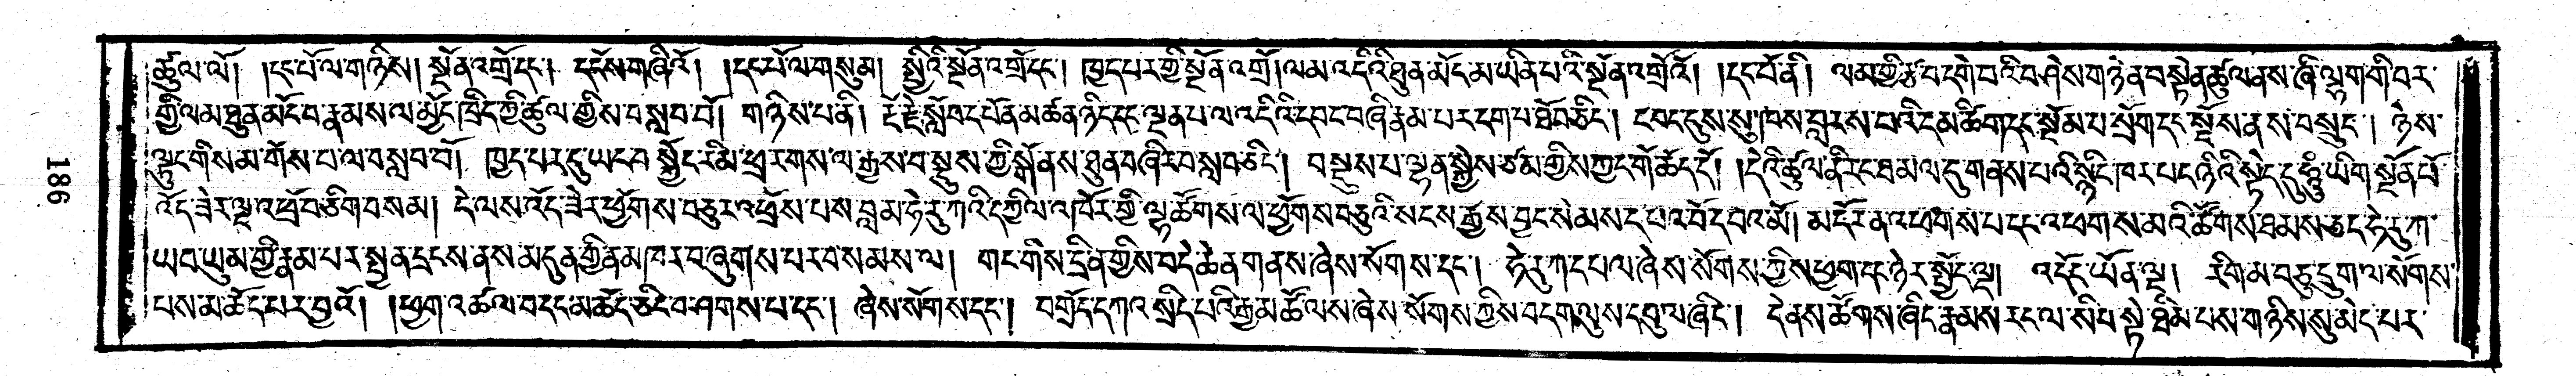ཚུལ་ལོ། །དང་པོ་ལ་གཉིས། སྔོན་འགྲོ་དང་། དངོས་གཞིའོ། །དང་པོ་ལ་གསུམ། སྤྱིའི་སྔོན་འགྲོ་དང་། ཁྱད་པར་གྱི་སྔོན་འགྲོ། ལམ་འདིའི་ཐུན་མོང་མ་ཡིན་པའི་སྔོན་འགྲོའོ། །དང་པོ་ནི། ལམ་གྱི་རྩ་བ་དགེ་བའི་བཤེས་གཉེན་བསྟེན་ཚུལ་ནས་ཞི་ལྷག་གི་བར་
གྱི་ལམ་ཐུན་མོང་བ་རྣམས་ལ་མྱོང་ཁྲིད་ཀྱི་ཚུལ་གྱིས་བསླབ་བོ། གཉིས་པ་ནི། རྡོ་རྗེ་སློབ་དཔོན་མཚན་ཉིད་དང་ལྡན་པ་ལ་འདིའི་དབང་བཞི་རྣམ་པར་དག་པ་ཐོབ་ཅིང་། དབང་དུས་སུ་ཁས་བླར་ས་པའི་དམ་ཚིག་དང་སྡོམ་པ་སྲོག་དང་སྔོས་ནས་བསྲུང་། ཉེས་
ལྟུང་གིས་མ་གོས་པ་ལ་བསླབ་བོ། ཁྱད་པར་དུ་ཡང་བ་སྐྱོང་རིམ་ཕྲ་རགས་ལ་རྒྱས་བ་སྡུས་ཀྱི་སྒོ་ནས་ཐུན་བཞིར་བསླབ་ཅིང་། བསྡུས་པ་ལྷན་སྐྱེས་ཙམ་གྱིས་ཀྱང་གོ་ཆོད་དོ། །དེའི་ཚུལ་ནི་རང་ཐ་མལ་དུ་གནས་པའི་སྙིང་ཁར་པད་ཉིའི་སྟེང་དུ་ཧཱུཾ་ཡིག་སྔོན་པོ་
འོད་ཟེར་ལྔ་འཕྲོ་བ་ཅིག་བསམ། དེ་ལས་འོད་ཟེར་ཕྱོགས་བཅུར་འཕྲོས་པས་བླ་མ་ཧེ་རུ་ཀའི་དཀྱིལ་འཁོར་གྱི་ལྷ་ཚོགས་ལ་ཕྱོགས་བཅུའི་སངས་རྒྱས་བྱང་སེམས་དཔའ་བོ་དཔའ་མོ། མདོར་ན་འཕགས་པ་དང་འཕགས་མའི་ཚོགས་ཐམས་ཅད་ཧེ་རུ་ཀ་
ཡབ་ཡུམ་གྱི་རྣམ་པར་སྤྱན་དྲངས་ནས་མདུན་གྱི་ནམ་མཁར་བ་ཞུགས་པར་བ་སམས་ལ། གང་གིས་དྲིན་གྱིས་བདེ་ཆེན་གནས་ཞེས་སོགས་དང་། ཧེ་རུ་ཀ་དཔལ་ཞེས་སོགས་ཀྱིས་ཕྱག་དང་ཉེར་སྤྱོད་ལྔ། འདོད་ཡོན་ལྔ། རིག་མ་བཅུ་དྲུག་ལ་སོགས་
པས་མཆོད་པར་བྱའོ། །ཕྱག་འཚལ་བ་དང་མཆོད་ཅིང་བཤགས་པ་དང་། ཞེས་སོགས་དང་། བགྲོད་དཀའ་སྲིད་པའི་རྒྱ་མཚོ་ལས་ཞེས་སོགས་ཀྱིས་བདག་ལུས་དབུལ་ཞིང་། དེ་ནས་ཚོགས་ཞིང་རྣམས་རང་ལ་སིབ་སྟེ་ཐིམ་པས་གཉིས་སུ་མེད་པར་